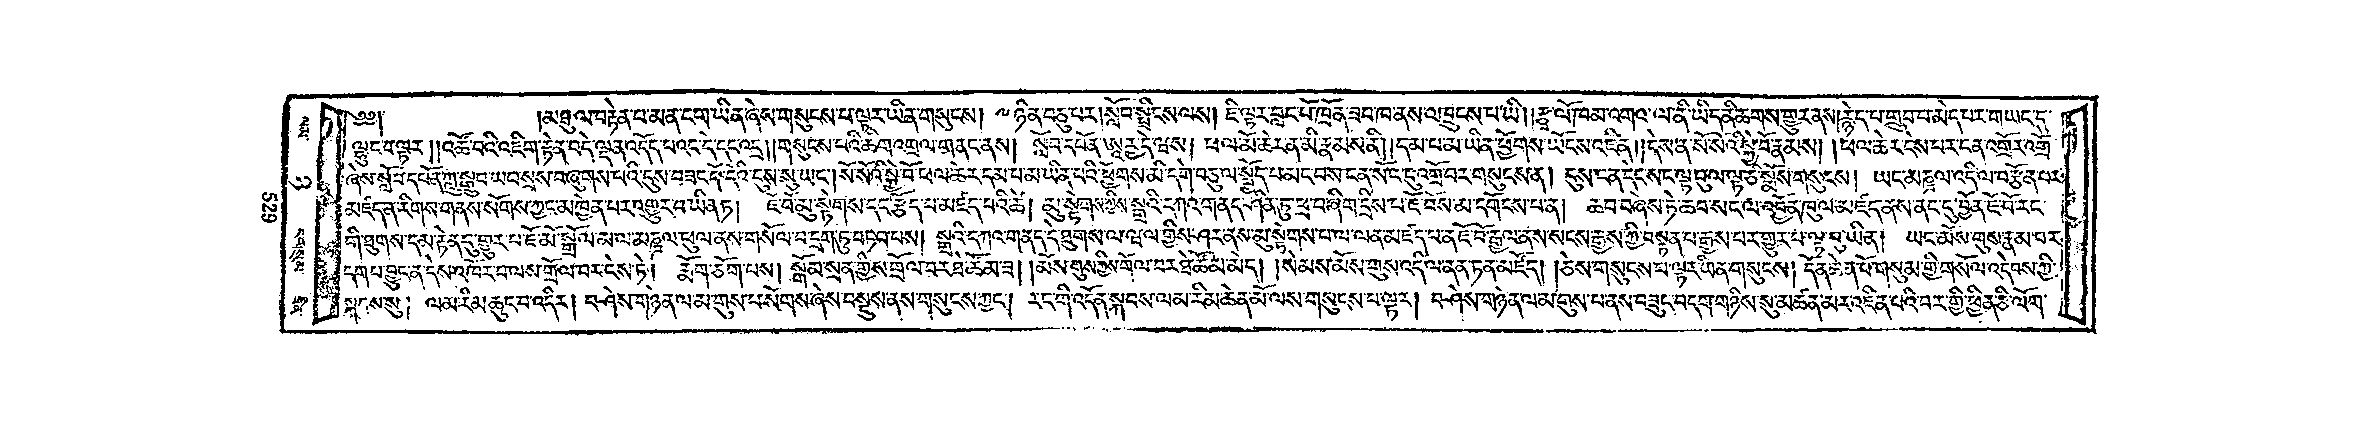༄༅། །མཐུ་ལ་བརྟེན་པ་མན་ངག་ཡིན་ཞེས་གསུངས་པ་ལྟར་ཡིན་གསུངས། ༧་ཉིན་བཅུ་པར། སློབ་སྤྲིངས་ལས། ཇི་ལྟར་བླང་པོ་ཁྲོན་ཟབ་ཁ་ནས་འཁྲུངས་པ་ཡི། །རྩྭ་ལོ་ཁམ་འགའ་ལ་ནི་ཡིད་ནི་ཆགས་གྱུར་ནས། རྙེད་པ་གྲུབ་པ་མེད་པར་གཡང་དུ་
ལྷུང་བ་ལྟར། །འཚོ་བའི་འཇིག་རྟེན་བདེ་ལྡན་འདོད་པའང་དེ་དང་འདྲ། །གསུངས་པའི་ཚིག་འགྲལ་གནང་ནས། སློབ་དཔོན་ཨཱརྱ་དེ་ཝས། ཕལ་མོ་ཆེར་ན་མི་རྣམས་ནི། །དམ་པ་མ་ཡིན་ཕྱོགས་ཡོངས་འཛིན། །དེས་ན་སོ་སོའི་སྐྱེ་བོ་རྣམས། །ཕལ་ཆེར་ངེས་པར་ངན་འགྲོར་འགྲོ་
ཞེས་སློབ་དཔོན་ཀླུ་སྒྲུབ་ཡབ་སྲས་བཞུགས་པའི་དུས་བཟང་པོ་དེའི་དུས་སུ་ཡང་། སོ་སོའི་སྐྱེ་བོ་ཕལ་ཆེར་དམ་པ་མ་ཡིན་པའི་ཕྱོགས་མི་དགེ་བཅུ་ལ་སྤྱོད་པ་མང་བས་ངན་སོང་དུ་འགྲོ་བར་གསུངས་ན། དུས་ངན་དེང་སང་ལྟ་བུ་ལ་ལྟ་ཅི་སྨོས་གསུངས། ཡང་མཎྜལ་འདི་ལ་བརྩོན་པར་
མཛད་ན་རིགས་གནས་སོགས་ཀྱང་མཁྱེན་པར་འགྱུར་བ་ཡིན་ཏེ། ཇོ་བོ་མུ་སྟེགས་དང་རྩོད་པ་མཛད་པའི་ཚེ། མུ་སྟེགས་ཀྱིས་སྒྲའི་དཀའ་གནད་ཤིན་ཏུ་ཕྲ་བ་ཞིག་དྲིས་པ་ཇོ་བོས་མ་དགོངས་པ་ན། ཆབ་བཞེས་ཏེ་ཆབ་སང་ལ་འབྱོན་ཁུལ་མཛད་ནས་ནང་དུ་བྱོན་ཇོ་བོ་རང་
གི་ཐུགས་དམ་རྟེན་དུ་གྱུར་པ་ཇོ་མོ་སྒྲོལ་མ་ལ་མཎྜལ་ཕུལ་ནས་གསོལ་བ་དྲག་ཏུ་བཏབ་པས། སྒྲའི་དཀའ་གནད་དེ་ཐུགས་ལ་ཝལ་གྱིས་ཤར་ནས་མུ་སྟེགས་པ་ལ་ལན་མཛད་པ་ན་ཇོ་བོ་རྒྱལ་ནས་སངས་རྒྱས་ཀྱི་བསྟན་པ་རྒྱས་པར་གྱུར་པ་ལྟ་བུ་ཡིན། ཡང་མོས་གུས་རྣམ་པར་
དག་པ་བྱུང་ན་དེས་འཁོར་བ་ལས་གྲོལ་བར་ངེས་ཏེ། རྨོག་ཅོག་པས། སྒོམ་སྲན་གྱིས་གྲོལ་བར་ཐེ་ཚོམ་ཟ། །མོས་གུས་ཀྱིས་གོལ་བར་ཐེ་ཚོམ་མེད། །སེམས་མོས་གུས་འདི་ལ་ནན་ཏན་མཛོད། །ཅེས་གསུངས་པ་ལྟར་ཡིན་གསུངས། དོན་ཆེན་པོ་གསུམ་གྱི་གསོལ་འདེབས་ཀྱི་
སྐབས་སུ། ལམ་རིམ་ཆུང་བ་འདིར། བཤེས་གཉེན་ལ་མ་གུས་པ་སོགས་ཞེས་བསྡུས་ནས་གསུངས་ཀྱང་། རང་གི་འདོན་སྐབས་ལམ་རིམ་ཆེན་མོ་ལས་གསུངས་པ་ལྟར། བཤེས་གཉེན་ལ་མ་གུས་པ་ནས་བཟུང་བདག་གཉིས་སུ་མཚན་མར་འཛིན་པའི་བར་གྱི་ཕྱིན་ཅི་ལོག་